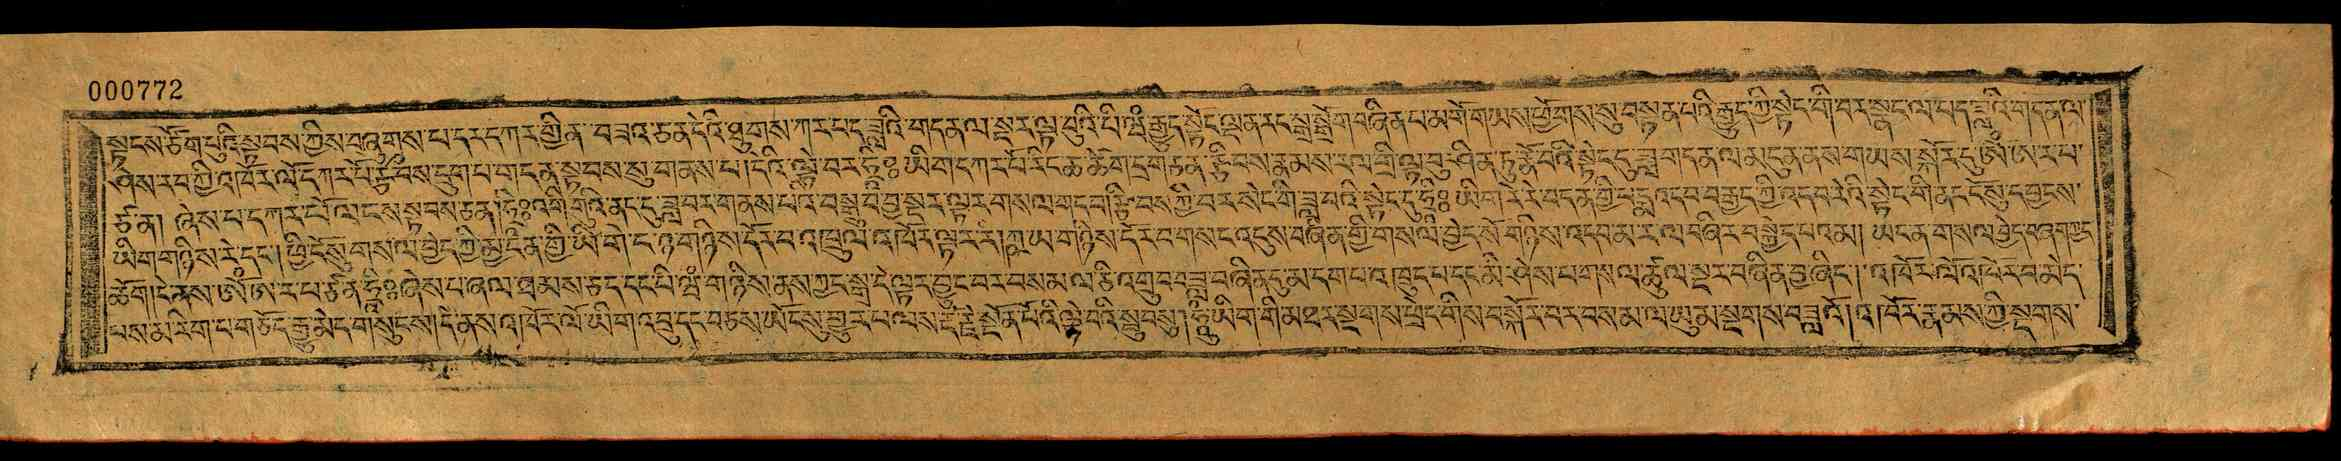སྟངས་ཙོག་བུའི་སྟབས་ཀྱིས་བཞུགས་པ་དར་དཀར་གྱི་ན་བཟའ་ཅན་དེའི་ཐུགས་ཀར་པད་ཟླའི་གདན་ལ་སྔར་ལྟ་བུའི་པི་ཝཾ་རྒྱུད་སྟོང་ལྡན་རང་སྒྲ་སྒྲོག་བཞིན་པ་མགོ་གཡས་ཕྱོགས་སུ་བསྟན་པའི་རྒྱུད་ཀྱི་སྟེང་གི་བར་སྣང་ལ་པད་ཟླའི་གདན་ལ་
ཤེས་རབ་ཀྱི་འཁོར་ལོ་དཀར་པོ་རྩིབས་དྲུག་པ་གདན་སྟབས་སུ་གནས་པ། དེའི་ལྟེ་བར་ཧྲཱིཿ ཡིག་དཀར་པོ་རིང་ཆ་ཚེག་དྲག་ཅན་རྩིབས་རྣམས་རལ་གྲི་ལྟ་བུ་ཤིན་ཏུ་རྣོ་བའི་སྟེང་དུ་ཟླ་གདན་ལ་མདུན་ནས་གཡས་སྐོར་དུ་ཨོཾ་ཨ་ར་
པ་ཙ་ན། ཞེས་པ་དཀར་པོ་ལངས་སྟབས་ཅན། ཧྲཱིཿ འི་གེ་གུའི་ནང་དུ་ཟླ་བར་གནས་པའི་བསྒྲུབ་བྱ་སྔར་ལྟར་གསལ་གདབ། རྩིབས་ཀྱི་བར་སེང་གི་ཟླ་བའི་སྟེང་དུ་ཧྲཱིཿ ཡིག་རེ་རེ་གདན་གྱི་པདམ་འདབ་བརྒྱད་ཀྱི་འདབ་རེའི་སྟེང་གི་ནང་ངོས་སུ་དབྱངས་
ཡིག་གཉིས་རེ་དང་། ཕྱི་ངོས་སུ་གསལ་བྱེད་ཀྱི་མྱ་ངན་གྱི་ཡི་གེ་ང་ཉ་གཉིས་དོར་བ་འཁྲུལ་འཁོར་ལྟར་རཾ། ཀྵ་ཡ་གཉིས་དོར་བ་གསང་འདུས་བཞིན་གྱི་གསལ་བྱེད་སོ་གཉིས་འདབ་མ་རེ་ལ་བཞིར་བསྐྱེད་པའམ། ཡང་ན་གསལ་བྱེད་བཞག་ཀྱང་
ཆོག ༑དེ་ནས་ཨོཾ་ཨ་ར་པ་ཙ་ན་ཧྲཱིཿ ཞེས་པ་ཞལ་ཐམས་ཅད་དང་པི་ཝཾ་གཉིས་ནས་ཀྱང་སྒྲ་དེ་ལྟར་བྱུང་བར་བསམ་ལ་ཅི་འགྲུབ་བཟླ་བཞིན་དུ་མ་དག་པ་འཁྲུད་པ་དང་མི་ཤེས་པ་བསལ་ཚུལ་སྔར་བཞིན་བྱ་ཞིང་། འཁོར་ལོ་འཁོར་བ་མེད་
པས་མ་རིག་པ་གཅོད་རྒྱུ་མེད་གསུངས། དེ་ནས་འཁོར་ལོ་ཡིག་འབྲུ་དང་བཅས་ཡོངས་སུ་གྱུར་པ་ལས་རྡོ་རྗེ་སྔོན་པོའི་ལྟེ་བའི་སྦུབས་སུ་ཧཱུཾ་ཡིག་གི་མཐར་སྔགས་ཕྲེང་གིས་བསྐོར་བར་བསམ་ལ་ཡུམ་སྔགས་བཟླའོ། །འཁོར་རྣམས་ཀྱི་སྔགས་